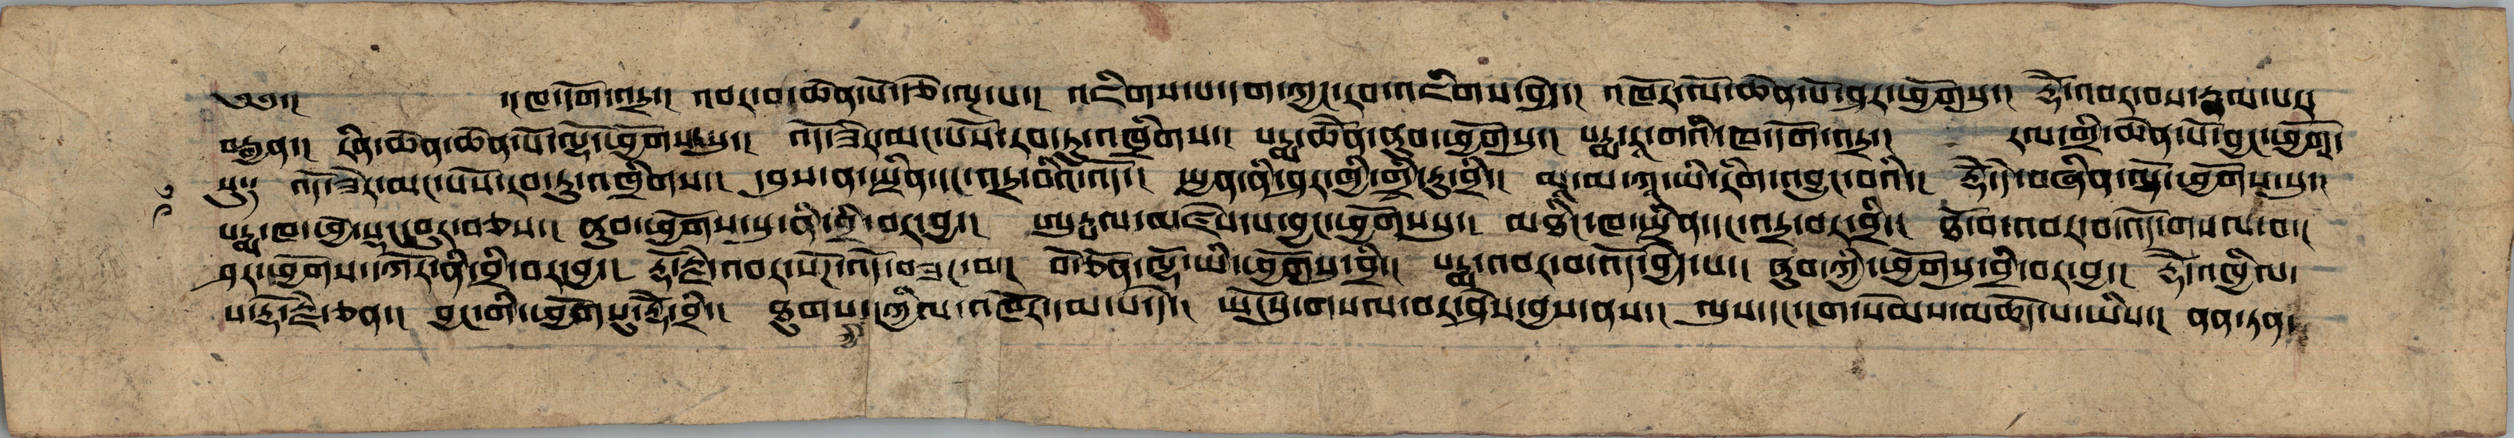༄༅་། ་།ཁ་དོག་འདྲ་། འབར་བ་ཆེན་པོ་རྩེ་ལྔ་པ་། འཇིགས་པ་དག་ཀྱང་རབ་འཇིགས་བྱེད་། འཁོར་ལོ་ཆེན་པོ་ཤར་ཕྱོགསུ་། རྡོེ་འབར་བས་རྣམ་པར་
བརྒྱན་། རིན་ཆེན་ཆེན་པོ་ལྷོ་ཕྱོགས་སུ་། འོད་ཟེར་མང་པོས་རབ་ཏུ་འཁྲིགས་། པདྨ་ཆེནོ་ནུབ་ཕྱོགསུ་། པདྨ་རཱ་གའི་ཁ་དོག་འདྲ་། རལ་གྲི་ཆེན་པོ་བྱང་ཕྱོགས་
སུ༑ འོད་ཟེར་མང་པོས་རབ་ཏུ་འཁྲིགས་། དབུས་ན་སྤྲིན་དང་འདྲ་བའི་འོད་། སྤྱན་ནི་ཤར་གྱི་གྲི་རུ་བྲི་། མཱ་མ་ཀཱ་ཡི་རིག་འབྱུང་བའི་། རྡོེ་དེ་བཞིན་ལྷོ་ཕྱོགས་སུ་།
པདྨ་ཁ་ཕྱེ་སྡང་བུར་བཅས་། ནུབ་ཕྱོགས་སུ་ནི་བྲི་བར་བྱ་། ཨུཏྤལ་མཛེས་པ་བྱང་ཕྱོགས་སུ་། མཐིང་ག་སྤྲིན་དང་འདྲ་བར་བྲི་། ཐོ་བ་འབར་བ་འོད་གསལ་བ་།
ཤར་ཕྱོགས་དཀོར་ནི་བྲི་བར་བྱ་། རྡོ་རྗེ་འབར་སོཌ་འོད་བཟང་བ་། བེ་ཅོན་ལྷོ་ཡི་ཕྱོགསུ་བྲི་། པདྨ་འབར་བ་འདོ་བྱེད་པ་། ནུབ་ཀྱི་ཕྱོགསུ་བྲི་བར་བྱ་། རྡོེ་འཁྱིལ་
པ་རྡོ་རྗེ་ཅན་། བྱང་གི་ཕྱོགསུ་རྡོེ་བྲི་། ཐུགས་ཀྱི་དཀྱིལ་འཁོར་དམ་པ་དེ་། ཡོངསུ་གསལ་བར་ཤེས་བྱས་ནས་། ལུས་དང་ངག་སེམས་མཆོད་པ་ཡིས་། ནན་ཏན་